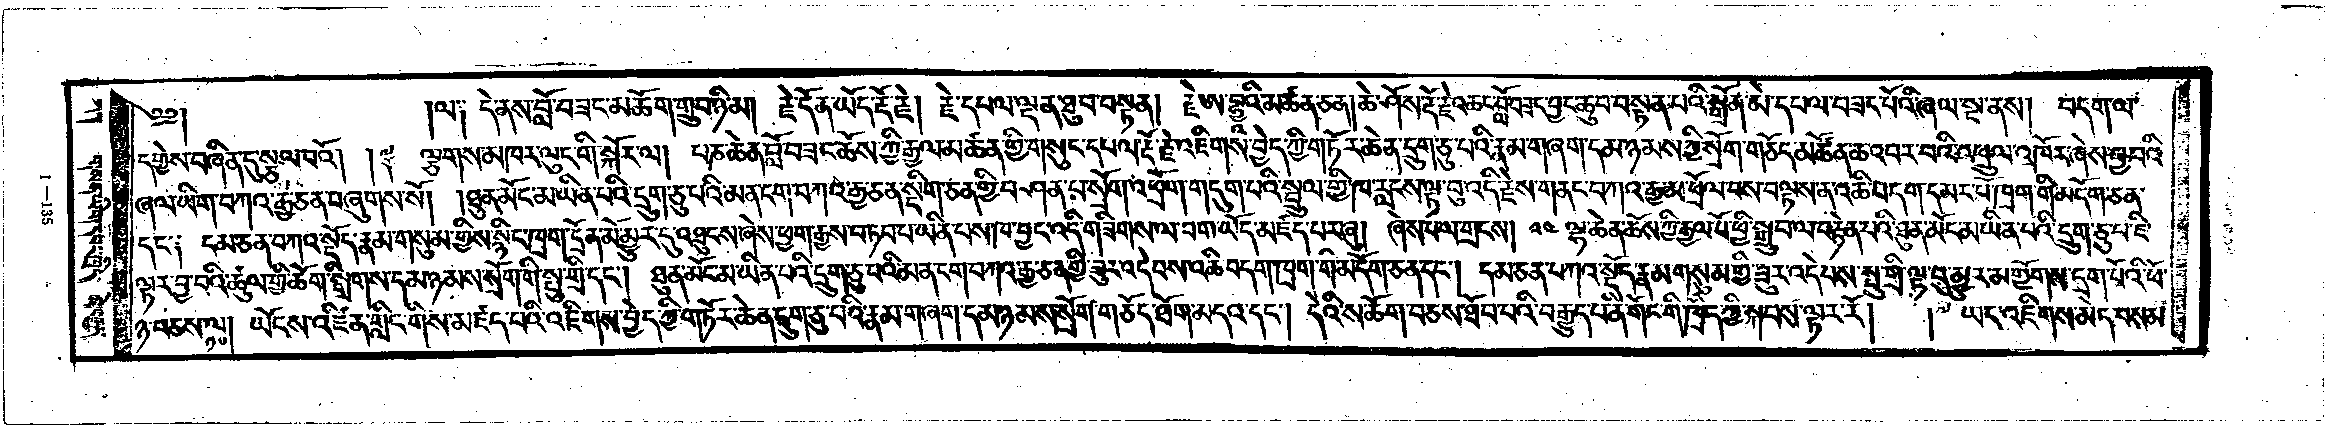༄༅། །ལ༑ དེ་ནས་བློ་བཟང་མཆོག་གྲུབ་ཉི་མ། རྗེ་དོན་ཡོད་རྡོ་རྗེ། རྗེ་དཔལ་ལྡན་ཐུབ་བསྟན། རྗེ་ཨ་བྷྱའི་མཚན་ཅན། ཆེ་ཤོས་རྡོ་རྗེ་འཆང་བློ་བཟང་བྱང་ཆུབ་བསྟན་པའི་སྒྲོན་མེ་དཔལ་བཟང་པོའི་ཞལ་སྔ་ནས། བདག་ལ་
དགྱེས་བཞིན་དུ་སྩལ་བའོ། །༈ ལྕགས་མཁར་ལུང་གི་སྐོར་ལ། པཎ་ཆེན་བློ་བཟང་ཆོས་ཀྱི་རྒྱལ་མཚན་གྱི་གསུང་དཔལ་རྡོ་རྗེ་འཇིགས་བྱེད་ཀྱི་གཏོར་ཆེན་དྲུག་ཅུ་པའི་རྣམ་གཞག་དམ་ཉམས་ཀྱི་སྲོག་གཅོད་མཚོན་ཆ་འབར་བའི་འཕྲུལ་འཁོར་ཞེས་བྱ་བའི་
ཞལ་ཡིག་བཀའ་རྒྱེ་ཅན་བཞུགས་སོ། །ཐུན་མོང་མ་ཡིན་པའི་དྲུག་ཅུ་པའི་མན་ངག་བཀའ་རྒྱ་ཅན་སྡིག་ཅན་གྱི་བཤན་པ་སྲོག་འཕྲོག་གདུག་པའི་སྤྲུལ་གྱི་ཁ་རླངས་ལྟ་བུ་འདི་རྗེས་གནང་བཀའ་རྒྱ་མ་ཕྲོལ་བས་བལྟས་ན་འཆི་བདག་དམར་པོ་ཁྲག་གི་མདོག་ཅན་
དང༑ དམ་ཅན་བཀའ་སྡོད་རྣམ་གསུམ་གྱིས་སྙིང་ཁྲག་དྲོན་མོ་མྱུར་དུ་འཐུངས་ཞེས་ཕྱག་རྒྱས་བཏབ་པ་ཡིན་པས་ཁ་བྱང་འདི་གཟིགས་ལ་བག་ཡོད་མཛད་པར་ཞུ། ཞེས་པ་ལ་གྲངས། ༢༤་ལྷ་ཆེན་ཆོས་ཀྱི་རྒྱལ་པོ་ཕྱི་སྒྲུབ་ལ་བརྟེན་པའི་ཐུན་མོང་མ་ཡིན་པའི་དྲུག་ཅུ་པ་ཇི་
ལྟར་བྱ་བའི་ཚུལ་གྱི་ཆོག་སྒྲིགས་དམ་ཉམས་སྲོག་གི་སྤུ་གྲི་དང་། ཐུན་མོང་མ་ཡིན་པའི་དྲུག་ཅུ་པའི་མན་ངག་བཀའ་རྒྱ་ཅན་གྱི་ཟུར་འདེབས་འཆི་བདག་ཁྲག་གི་མདོག་ཅན་དང་། དམ་ཅན་བཀའ་སྡོད་རྣམ་གསུམ་གྱི་ཟུར་འདེབས་སྤུ་གྲི་ལྟ་བུ་མྱུར་མགྱོགས་དྲག་པོའི་ཕོ་
ཉ་བཅས་ལ ༡༠། ཡོངས་འཛིན་གླིང་གིས་མཛད་པའི་འཇིགས་བྱེད་ཀྱི་གཏོར་ཆེན་དྲུག་ཅུ་པའི་རྣམ་གཞག་དམ་ཉམས་སྲོག་གཅོད་ཐོག་མདའ་དང་། དེའི་ས་ཆོག་བཅས་ཐོབ་པའི་བརྒྱུད་པ་ནི་གོང་གི་ཁྲིད་ཀྱི་སྐབས་ལྟར་རོ། །༧་ཡང་འཇིགས་མེད་བསམ་